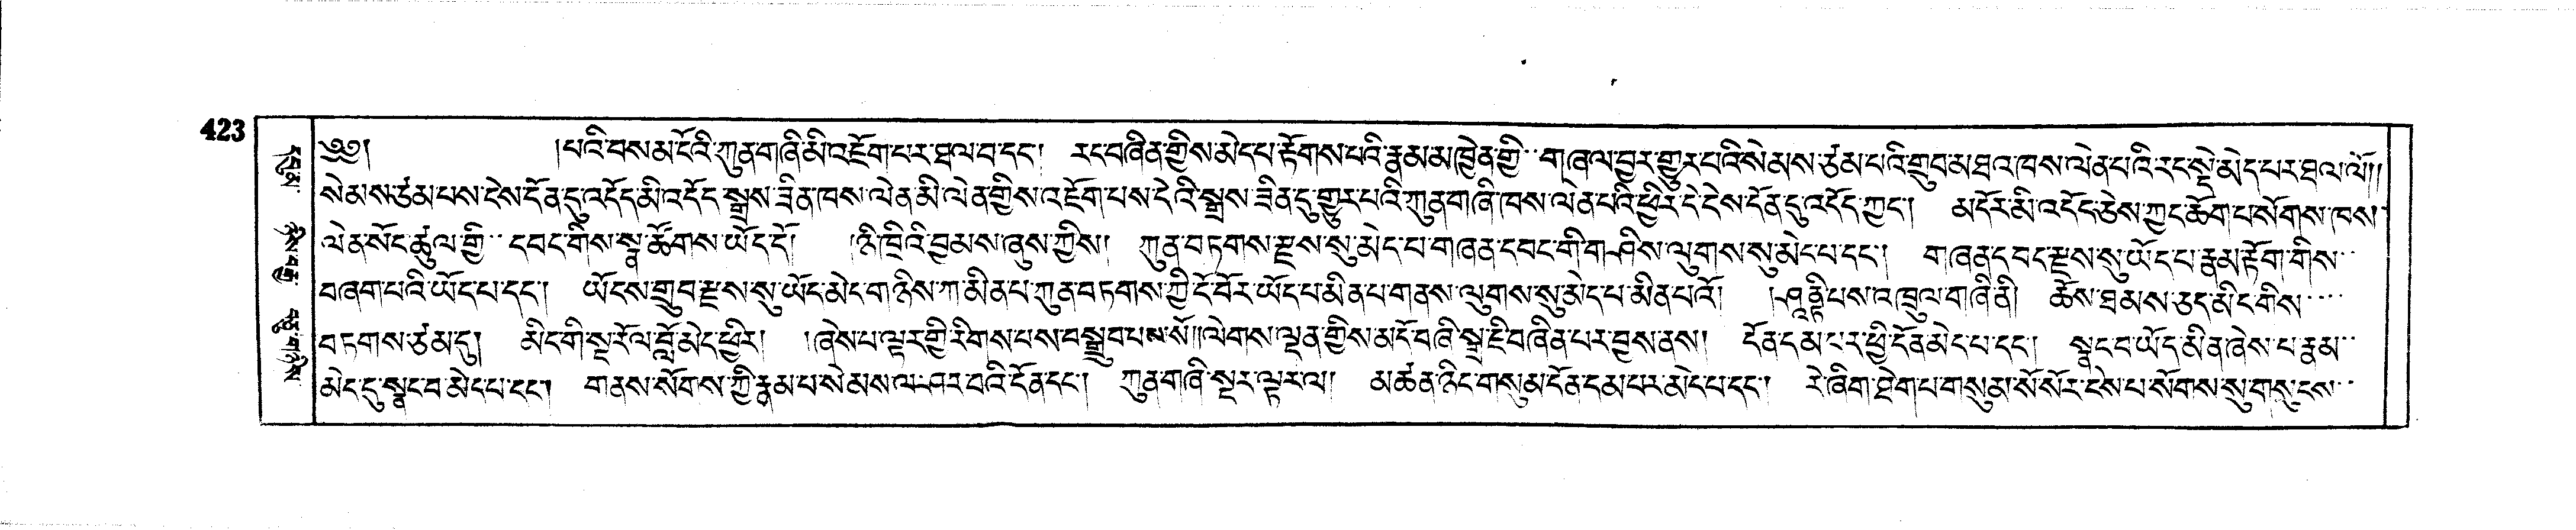༄༅། །པའི་བསམ་ངོའི་ཀུན་གཞི་མི་འཇོག་པར་ཐལ་བ་དང་། རང་བཞིན་གྱིས་མེད་པ་རྟོགས་པའི་རྣམ་མཁྱེན་གྱི་གཞལ་བྱར་གྱུར་པའི་སེམས་ཙམ་པའི་གྲུབ་མཐའ་ཁས་ལེན་པའི་རང་སྡེ་མེད་པར་ཐལ་ལོ། །
སེམས་ཙམ་པས་ངེས་དོན་དུ་འདོད་མི་འདོད་སྒྲས་ཟིན་ཁས་ལེན་མི་ལེན་གྱིས་འཇོག་པས་དེའི་སྒྲས་ཟིན་དུ་གྱུར་པའི་ཀུན་གཞི་ཁས་ལེན་པའི་ཕྱིར་དེ་དེས་དོན་དུ་འདོད་ཀྱང་། མདོར་མི་འདོད་ཅེས་ཀྱང་ཆོག་པ་སོགས་ཁས་
ལེན་སོང་ཚུལ་གྱི་དབང་གིས་སྣ་ཚོགས་ཡོད་དོ། །ཉི་ཁྲིའི་བྱམས་ཞུས་ཀྱིས། ཀུན་བཏགས་རྫས་སུ་མེད་པ་གཞན་དབང་གི་གཤིས་ལུགས་སུ་མེད་པ་དང་། གཞན་དབང་རྫས་སུ་ཡོད་པ་རྣམ་རྟོག་གིས་
བཞག་པའི་ཡོད་པ་དང་། ཡོངས་གྲུབ་རྫས་སུ་ཡོད་མེད་གཉིས་ཀ་མིན་པ་ཀུན་བཏགས་ཀྱི་ངོ་བོར་ཡོད་པ་མིན་པ་གནས་ལུགས་སུ་མེད་པ་མིན་པའོ། །ཤཱནྟི་པས་འཁྲུལ་གཞི་ནི། ཆོས་ཐམས་ཅད་མིང་གིས་
བཏགས་ཙམ་དུ། མིང་གི་སྔ་རོལ་བློ་མེད་ཕྱིར། །ཞེས་པ་ལྟར་གྱི་རིགས་པས་བསྒྲུབ་པས་སོ། །ལེགས་ལྡན་གྱིས་མདོ་བཞི་སྒྲ་ཇི་བཞིན་པར་བྱས་ནས། དོན་དམ་པར་ཕྱི་དོན་མེད་པ་དང་། སྣང་བ་ཡོད་མིན་ཞེས་པ་རྣམ་
མེད་དུ་སྣང་བ་མེད་པ་དང་། གནས་སོགས་ཀྱི་རྣམ་པ་སེམས་ལ་ཤར་བའི་དོན་དང་། ཀུན་གཞི་སྔར་ལྟར་ལ། མཚན་ཉིད་གསུམ་དོན་དམ་པར་མེད་པ་དང་། རེ་ཞིག་ཐེག་པ་གསུམ་སོ་སོར་ངེས་པ་སོགས་སུ་གསུངས་